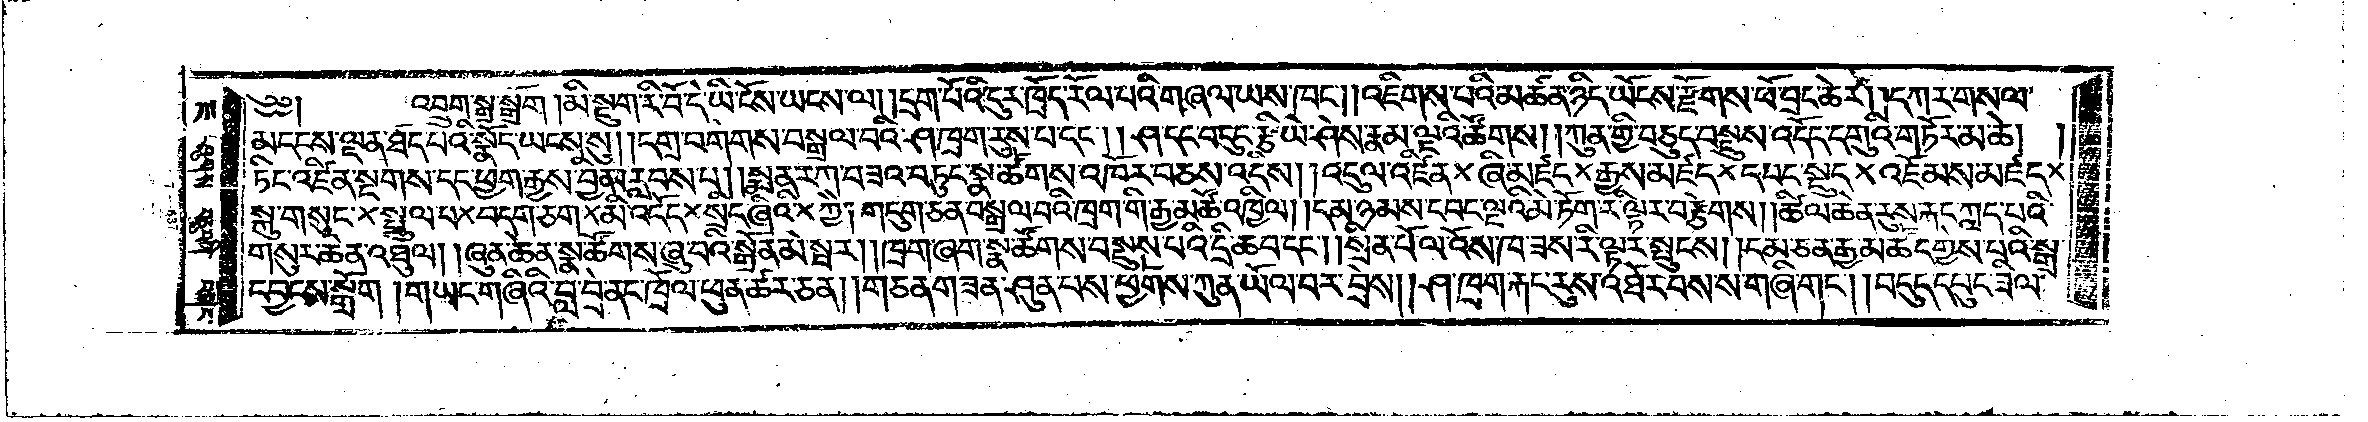༄༅། །འབྲུག་སྒྲ་སྒྲོག །མི་སྡུག་རི་བོ་དེ་ཡི་ངོས་ཡངས་ལ། །དྲག་པོའི་དུར་ཁྲོད་རོལ་པའི་གཞལ་ཡས་ཁང་། །འཇིགས་པའི་མཚན་ཉིད་ཡོངས་རྫོགས་ཕོ་བྲང་ཆེར། །དཀར་གསལ་
མ་དངོས་ལྡན་ཐོད་པའི་སྣོད་ཡངས་སུ། །དགྲ་བགེགས་བསྒྲལ་བའི་ཤ་ཁྲག་རུས་པ་དང་། །ཤ་དང་བདུད་རྩི་ཡེ་ཤེས་རྣམ་ལྔའི་ཚོགས། །ཀུན་གྱི་བཅུད་བསྡུས་འདོད་དགུའི་གཏོར་མ་ཆེ། །
ཏིང་འཛིན་སྔགས་དང་ཕྱག་རྒྱས་བྱིན་རླབས་པ། །སྨན་རག་བཟའ་བཏུང་སྣ་ཚོགས་འཁོར་བཅས་འདིས། །འདུལ་འཛིན྾་ཞི་མཛད྾་རྒྱས་མཛད྾་དབང་སྡུད྾་འཇོམས་མཛད྾་
སྐུ་གསུང྾་སྤྲུལ་པ྾་བདག་ཅག྾་མི་འདོད྾་སྲིད་ཞིའི྾་ཀྱཻ༑ གདུག་ཅན་བསྒྲལ་བའི་ཁྲག་གི་རྒྱ་མཚོ་འཁྱིལ། །དམ་ཉམས་དབང་ལྔའི་མེ་ཏོག་རི་ལྟར་བརྩེགས། །ཚིལ་ཆེན་རུས་རྐང་ཀླད་པའི་
གསུར་ཆེན་འཐུལ། །ཞུན་ཆེན་སྣ་ཚོགས་ཞུ་བའི་སྒྲོན་མེ་སྦར། །ཁྲག་ཞག་སྣ་ཚོགས་བསྡུས་པའི་དྲི་ཆ་བ་དང་། །སྲིན་པོ་ལ་འོས་ཁ་ཟས་རི་ལྟར་སྤུངས། །དམ་ཅན་རྒྱ་མཚོ་དགྱེས་པའི་སྒྲ་
དབྱངས་སྒྲོག །གཡང་གཞིའི་བླ་བྲེ་ནང་ཁྲོལ་ཕུན་ཚར་ཅན། །གཅན་གཟན་ཤུན་པས་ཕྱོགས་ཀུན་ཡོལ་བར་བྲེས། །ཤ་ཁྲག་རྐང་རུས་འཐོར་བས་ས་གཞི་གང་། །བདུད་དཔུང་ཟིལ་